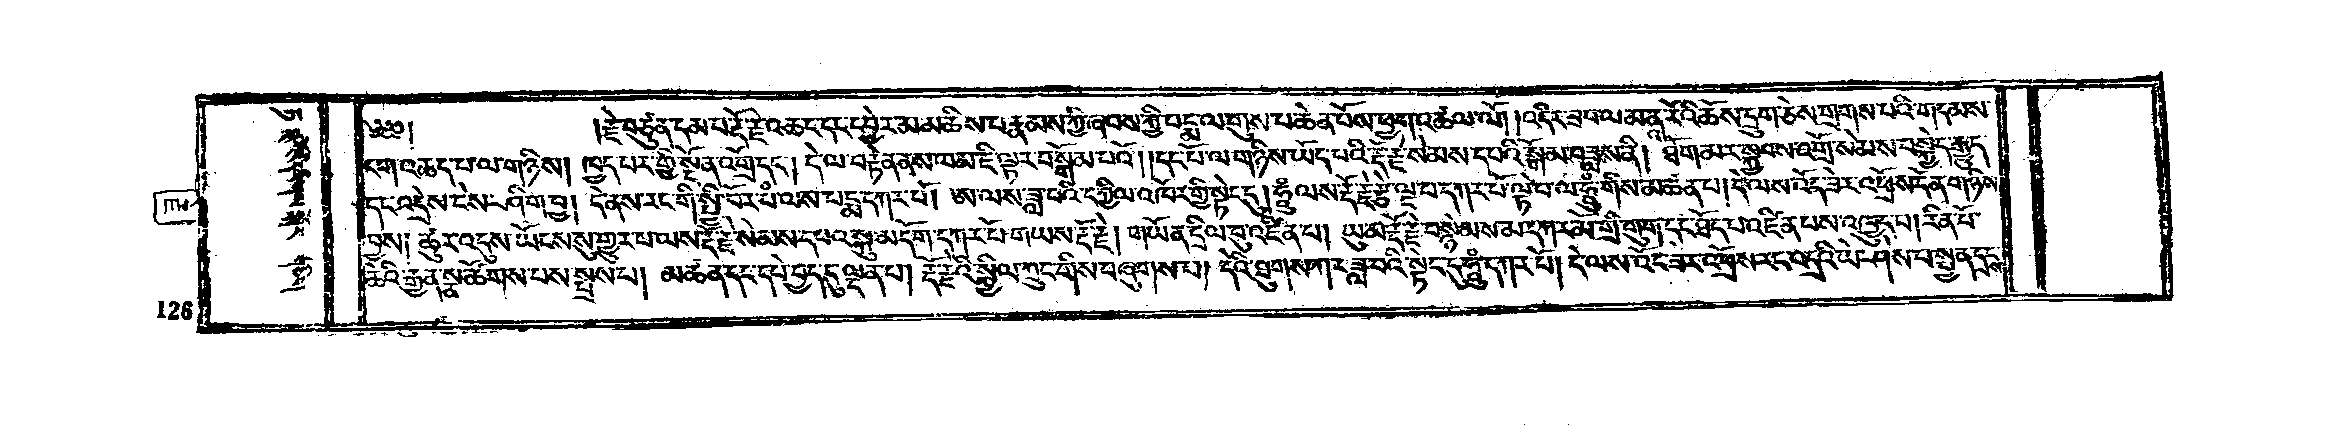༄༅༅། །རྗེ་བཙུན་དམ་པ་རྡོ་རྗེ་འཆང་དང་དབྱེར་མ་མཆིས་པ་རྣམས་ཀྱི་ཞབས་ཀྱི་པདམ་ལ་གུས་པ་ཆེན་པོས་ཕྱག་འཚལ་ལོ། །འདིར་ཟབ་ལམ་ནཱ་རོའི་ཆོས་དྲུག་ཅེས་གྲགས་པའི་གདམས་
ངག་འཆད་པ་ལ་གཉིས། ཁྱད་པར་གྱི་སྔོན་འགྲོ་དང་། དེ་ལ་བརྟེན་ནས་ལམ་ཇི་ལྟར་བསྒོམ་པའོ། །དང་པོ་ལ་གཉིས་ཡོད་པའི་རྡོ་རྗེ་སེམས་དཔའི་སྒོམ་བཟླས་ནི། ཐོག་མར་སྐྱབས་འགྲོ་སེམས་བསྐྱེད་རྒྱུད་
དང་འདྲེས་ངེས་ཤིག་བྱ། དེ་ནས་རང་གི་སྤྱི་བོར་པཾ་ལས་པདམ་དཀར་པོ། ཨ་ལས་ཟླ་བའི་དཀྱིལ་འཁོར་གྱི་སྟེང་དུ། ཧཱུཾ་ལས་རྡོ་རྗེ་རྩེ་ལྔ་པ་དཀར་པོ་ལྟེ་བ་ལ་ཧཱུཾ་གིས་མཚན་པ། དེ་ལས་འོད་ཟེར་འཕྲོས་དོན་གཉིས་
བྱས། ཚུར་འདུས་ཡོངས་སུ་གྱུར་པ་ལས་རྡོ་རྗེ་སེམས་དཔའ་སྐུ་མདོག་དཀར་པོ་གཡས་རྡོ་རྗེ། གཡོན་དྲིལ་བུ་འཛིན་པ། ཡུམ་རྡོ་རྗེ་བསྙེམས་མ་དཀར་མོ་གྲི་གུག་དང་ཐོད་པ་འཛིན་པས་འཁྱུད་པ། རིན་པོ་
ཆེའི་རྒྱན་སྣ་ཚོགས་པས་སྤྲས་པ། མཚན་དང་དཔེ་བྱད་དུ་ལྡན་པ། རྡོ་རྗེའི་སྐྱིལ་ཀྲུང་གིས་བཞུགས་པ། དེའི་ཐུགས་ཀར་ཟླ་བའི་སྟེང་དུ་ཧཱུཾ་དཀར་པོ། དེ་ལས་འོད་ཟེར་འཕྲོས་རང་འདྲའི་ཡེ་ཤེས་པ་སྤྱན་དྲངས་